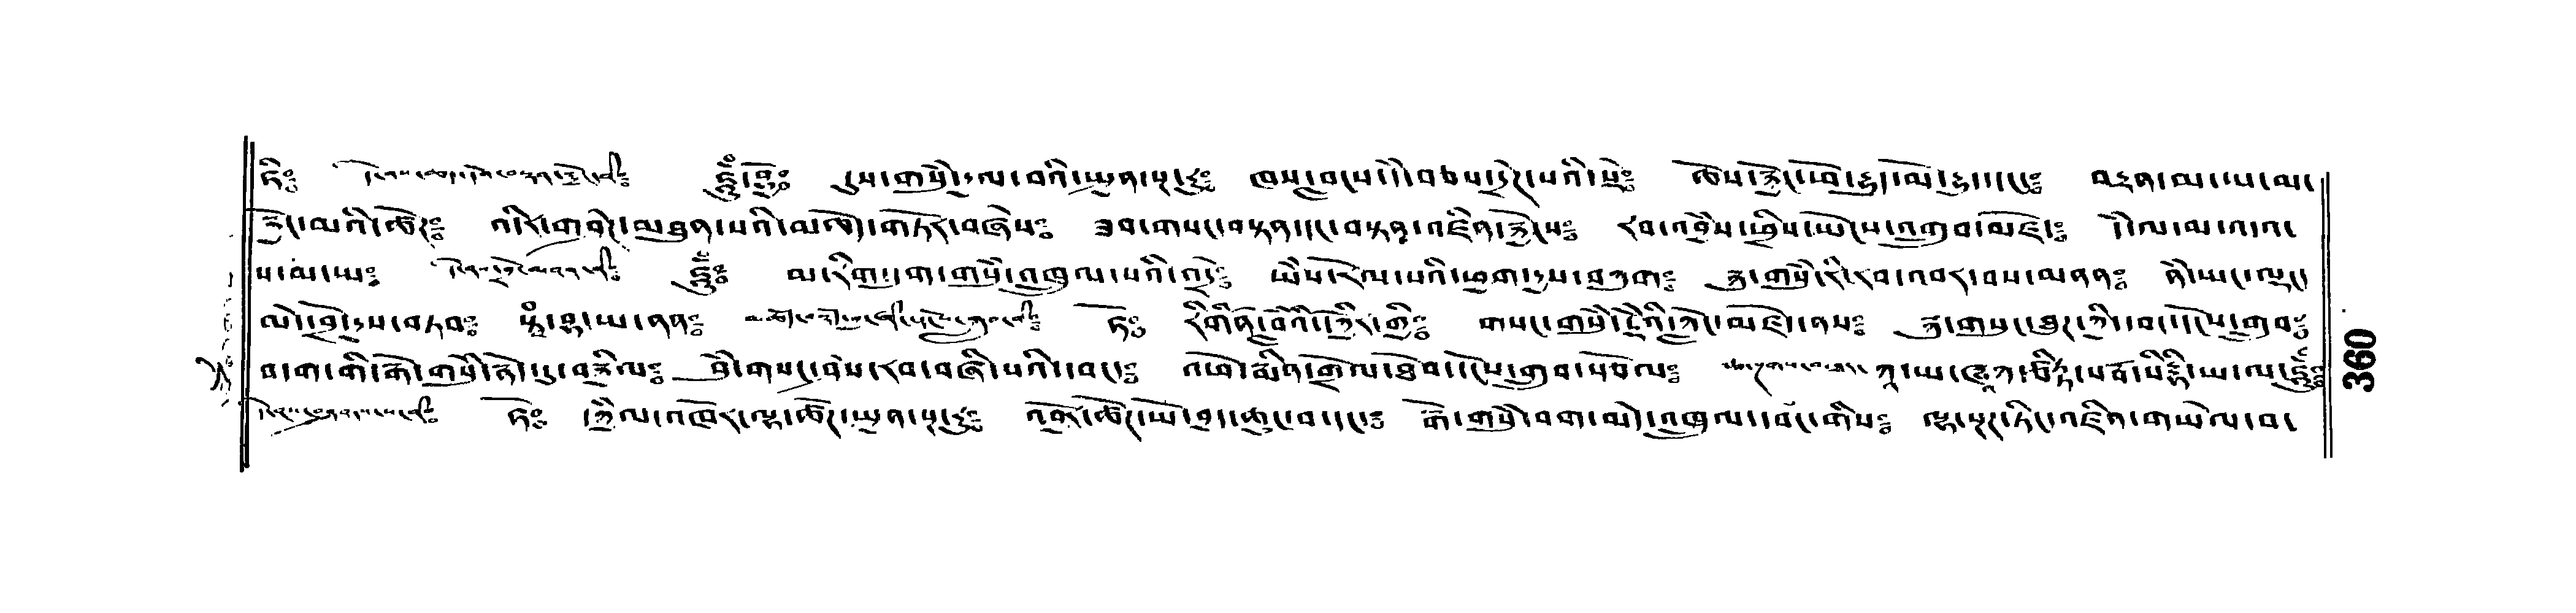ཧི༔ དེ་ནས་ཆད་མདོ་བསྟན་སྐྱོང་ནི༔ ཧཱུྃ་བྷྱོཿ དུས་གསུམ་རྒྱལ་བའི་སྤྱན་སྔ་རུ༔ ཁས་བླངས་དམ་བཅས་དྲེགས་པའི་སྡེ༔ ཆོས་སྐྱོང་ཕོ་རྒྱུད་མོ་རྒྱུད་དང༔ བརྟན་མ་ཡ་མ་
སྐྱོང་མའི་ཚོགས༔ འདིར་གཤེགས་མཐུན་པའི་མཆོད་གཏེར་བཞེས༔ ཟབ་གསང་བསྟན་དང་བསྟན་འཛིན་སྐྱོངས༔ རབ་འབྱམས་ཕྲིན་ལས་ཡོངས་འགྲུབ་མཛོད༔ དམ་ལ་མ་འདའ་
ས་མ་ཡ༔ དེ་ནས་བྲོ་མནན་ནི༔ ཧཱུྃ༔ མ་རིག་དུག་གསུམ་འཁྲུལ་པའི་འདྲེ༔ ཡེ་ཤེས་རོལ་པའི་ཕྱག་རྒྱས་བཀུག༔ སྐུ་གསུམ་རི་རབ་འབར་བས་མནན༔ ནམ་ཡང་ལྡང་
མེད་བྲོ་རྒྱས་བཏབ༔ སྟྭཾ་བྷ་ཡ་ནན༔ མཆོད་བསྟོད་བྱ་ཞིང་དངོས་གྲུབ་ནི༔ ཧོཿ རིག་འཛིན་བླ་མའི་དཀྱིལ་འཁོར་གྱི༔ གསང་གསུམ་རྡོ་རྗེའི་ཀློང་མཛོད་ནས༔ སྐུ་གསུང་ཐུགས་ཀྱི་དབང་དངོས་གྲུབ༔ 
བདག་གི་སྒོ་གསུམ་སྣོད་དུ་བསྐྱིལ༔ བུམ་གསང་ཤེས་རབ་བཞི་པའི་དབང༔ འཕོ་སྨིན་གྲོལ་ཐོབ་དངོས་གྲུབ་སྩོལ༔ རྩ་སྔགས་མཐར༔ ཀཱ་ཡ་ཝཱཀྐ་ཙིཏྟ་སརྦ་སིདྡྷི་ཕ་ལ་ཧཱུྃ༔ 
དེ་ནས་བཤགས་པ་ནི༔ ཧོཿ དཀྱིལ་འཁོར་ལྷ་ཚོགས་སྤྱན་སྔ་རུ༔ འབྱོར་ཚོགས་ཡོ་བྱད་ཆུང་བ་དང༔ སྒོ་གསུམ་བག་མེད་འཁྲུལ་དབང་གིས༔ ལྷ་སྔགས་ཏིང་འཛིན་གཡེལ་བ་